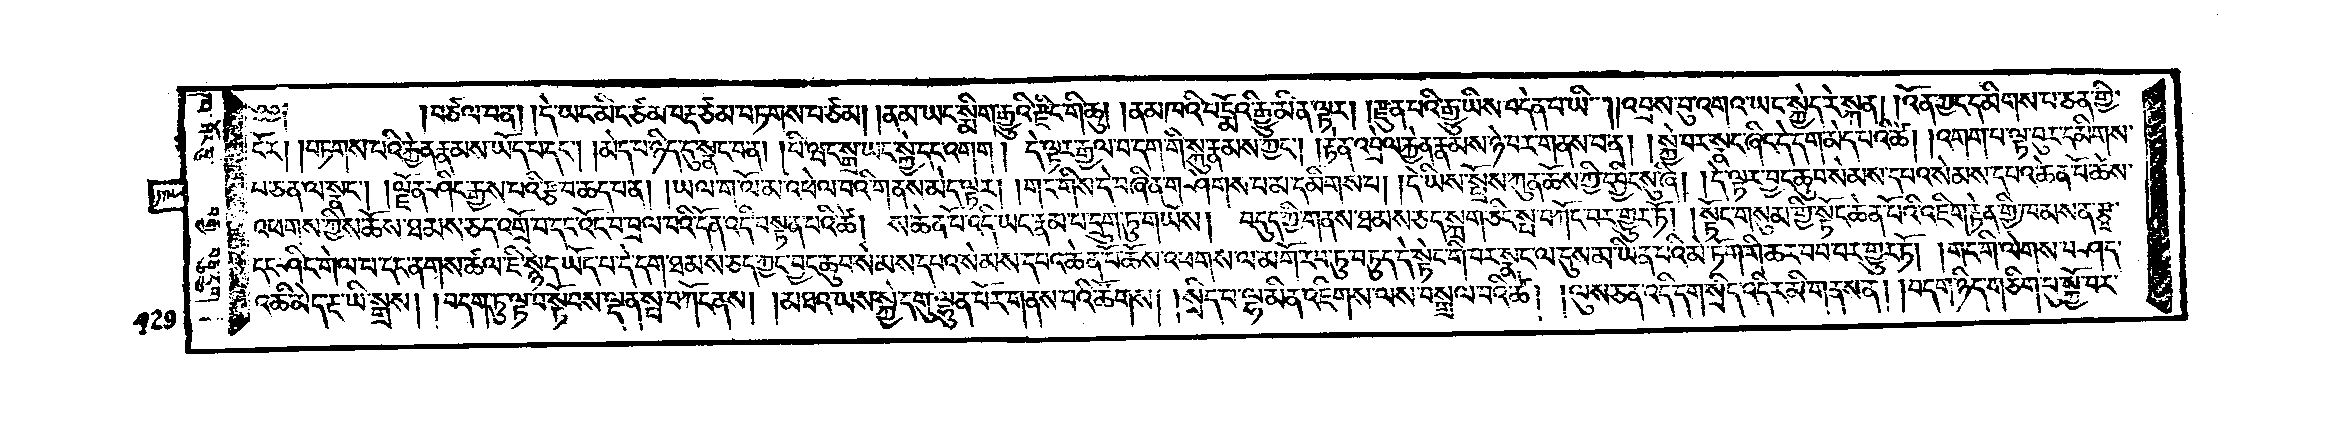༄༅། །བཙལ་བ་ན། །དེ་ཡང་མིང་ཙམ་བརྡ་ཙམ་བཏགས་པ་ཙམ། །ནམ་ཡང་སྨིག་རྒྱུའི་རྫིང་གི་ཆུ། །ནམ་མཁའི་པདམོའི་རྒྱུ་མིན་ལྟར། །རྫུན་པའི་རྒྱུ་ཡིས་བདེན་པ་ཡི། །འབྲས་བུ་འགའ་ཡང་སྐྱེད་རེ་སྐན། །འོན་ཀྱང་དམིགས་པ་ཅན་གྱི་
ངོར། །བཏགས་པའི་རྐྱེན་རྣམས་ཡོད་པ་དང་། །མེད་པ་ཉིད་དུ་སྣང་བ་ན། །པི་ཝང་སྒྲ་ཡང་སྐྱེ་དང་འགག །དེ་ལྟར་རྒྱལ་བ་དག་གི་སྐུ་རྣམས་ཀྱང་། །རྟེན་འབྲེལ་རྐྱེན་རྣམས་ཉེ་བར་གནས་པ་ན། །སྐྱེ་བར་སྣང་ཞིང་དེ་དག་མེད་པའི་ཚེ། །འགག་པ་ལྟ་བུར་དམིགས་
པ་ཅན་ལ་སྣང་། །ལྗོན་ཤིང་རྒྱས་པའི་རྩ་བ་ཆད་པ་ན། །ཡལ་ག་ལོ་མ་འཕེལ་བའི་གནས་མེད་ལྟར། །གང་གིས་དེ་བཞིན་གཤེགས་པ་མ་དམིགས་པ། །དེ་ཡིས་སྤྲོས་ཀུན་ཆོས་ཀྱི་དབྱིངས་སུ་ཞི། །དེ་ལྟར་བྱང་ཆུབ་སེམས་དཔའ་སེམས་དཔའ་ཆེན་པོ་ཆོས་
འཕགས་ཀྱིས་ཆོས་ཐམས་ཅད་འགྲོ་བ་དང་འོང་བ་བྲལ་བའི་དོན་འདི་བསྟན་པའི་ཚེ། ས་ཆེན་པོ་འདི་ཡང་རྣམ་པ་དྲུག་ཏུ་གཡོས། བདུད་ཀྱི་གནས་ཐམས་ཅད་སྐྲག་ཅིང་སྤ་བཀོང་བར་གྱུར་ཏོ། །སྟོང་གསུམ་གྱི་སྟོང་ཆེན་པོའི་འཇིག་རྟེན་གྱི་ཁམས་ན་རྩྭ་
དང་ཤིང་གེལ་བ་དང་ནགས་ཚལ་ཇི་སྙེད་ཡོད་པ་དེ་དག་ཐམས་ཅད་ཀྱང་བྱང་ཆུབ་སེམས་དཔའ་སེམས་དཔའ་ཆེན་པོ་ཆོས་འཕགས་ལ་མགོ་རབ་ཏུ་བཏུད་དེ་སྟེང་གི་བར་སྣང་ལ་དུས་མ་ཡིན་པའི་མེ་ཏོག་གི་ཆར་བབ་པར་གྱུར་ཏོ། །གང་གི་ལེགས་བཤད་
འཆི་མེད་རྔ་ཡི་སྒྲས། བདག་ཏུ་ལྟ་བ་སྟོབས་ལྡན་སྤ་བཀོང་ནས། །མཐའ་ཡས་སྐྱེ་དགུ་ལྷུན་པོར་གནས་པའི་ཚོགས། །སྲིད་པ་ལྷ་མིན་འཇིགས་ལས་བསྒྲལ་བའི་ཚེ། །ལུས་ཅན་འདི་དག་སྲིད་འདིར་མི་གནས་ན། །བདག་ཉིད་གཅིག་པུ་སྐྱོ་བར་